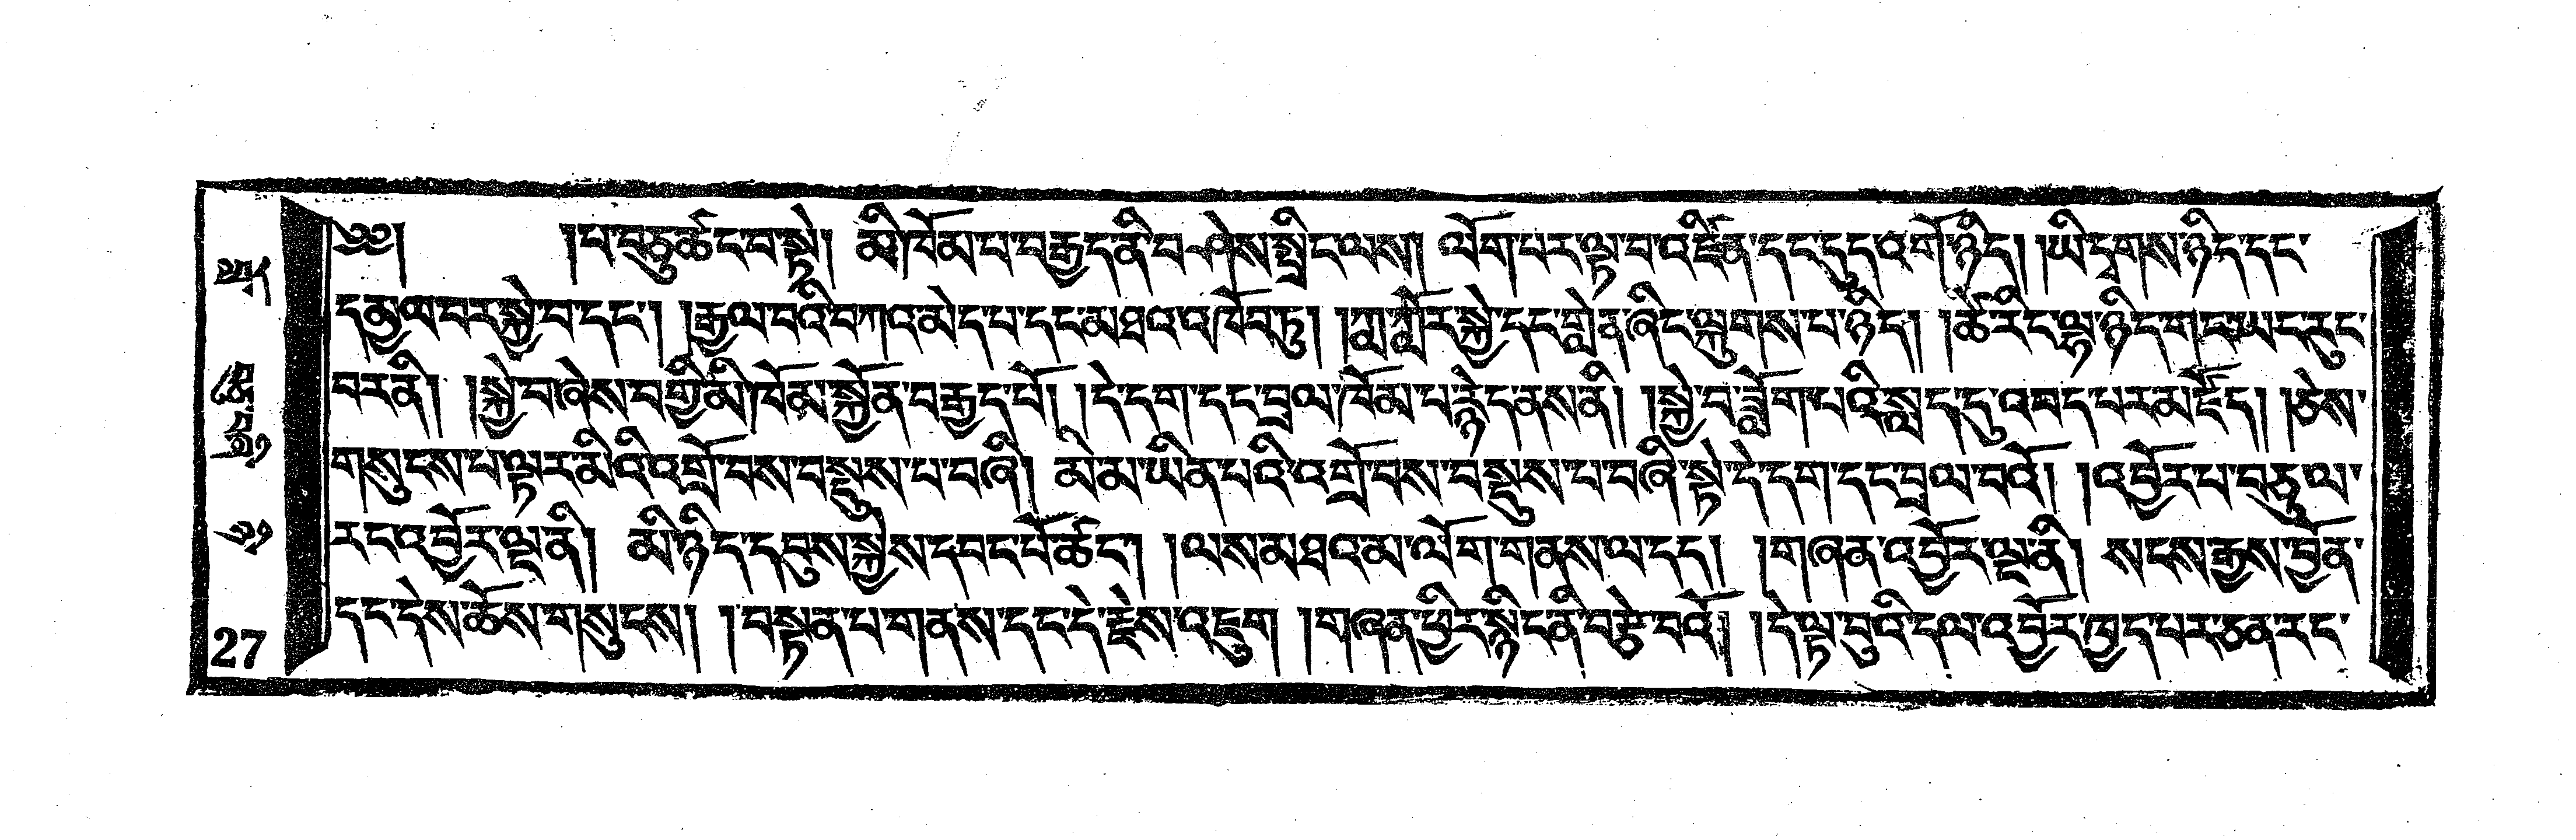༄༅། །པ་བཅུ་ཚང་བ་སྟེ། མི་ཁོམ་པ་བརྒྱད་ནི་བཤེས་སྤྲིང་ལས། ལོག་པར་ལྟ་བ་འཛིན་དང་དུད་འགོ་ཉིད། །ཡི་དྭགས་ཉིད་དང་
དམྱལ་བར་སྐྱེ་བ་དང་། །རྒྱལ་བའི་བཀའ་མེད་པ་དང་མཐའ་འཁོབ་ཏུ། །ཀླ་ཀློར་སྐྱེ་དང་གླེན་ཞིང་ལྐུགས་པ་ཉིད། །ཚེ་རིང་ལྷ་ཉིད་གང་ཡང་རུང་
བར་ནི། །སྐྱེ་བ་ཞེས་བགྱི་མི་ཁོམ་སྐྱོན་བརྒྱད་པོ། །དེ་དག་དང་བྲལ་ཁོམ་པ་རྙེད་ནས་ནི། །སྐྱེ་བ་ཟློག་པའི་སླད་དུ་འབད་པར་མཛོད། །ཅེས་
གསུངས་པ་ལྟར་མིའི་འགྲོ་བས་བསྡུས་པ་བཞི། མི་མ་ཡིན་པའི་འགྲོ་བས་བསྡུས་པ་བཞི་སྟེ་དེ་དག་དང་བྲལ་བའོ། །འབྱོར་པ་བཅུ་ལ་
རང་འབྱོར་ལྔ་ནི། མི་ཉིད་དབུས་སྐྱེས་དབང་པོ་ཚང་། །ལས་མཐའ་མ་ལོག་གནས་ལ་དད། །གཞན་འབྱོར་ལྔ་ནི། སངས་རྒྱས་བྱོན་
དང་དེས་ཆོས་གསུངས། །བསྟན་པ་གནས་དང་དེ་རྗེས་འཇུག །གཞན་ཕྱིར་སྙིང་ནི་བརྩེ་བའོ། །དེ་ལྟ་བུའི་དལ་འབྱོར་ཁྱད་པར་ཅན་རང་